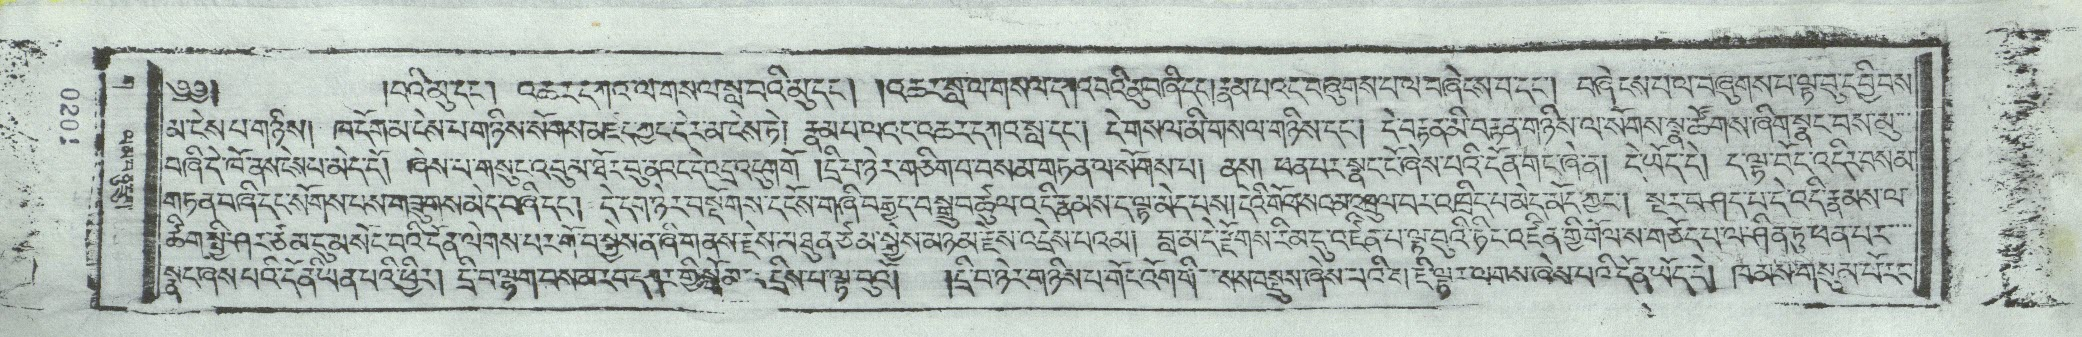༄༅། །བའི་མུ་དང་། འཆར་དཀའ་ལ་གསལ་སླ་བའི་མུ་དང་། །འཆར་སླ་ལ་གསལ་དཀའ་བའི་མུ་བཞི་དང་། རྣམ་པའང་བཞུགས་པ་ལ་བཞེངས་བ་དང་། བཞེངས་པ་ལ་བཞུགས་པ་ལྟ་བུ་དབྱིབས་
མ་ངེས་པ་གཉིས། ཁ་དོག་མ་ངེས་པ་གཉིས་སོགས་མཛད་ཀྱང་དེར་མ་ངེས་ཏེ། རྣམ་པ་ལའང་འཆར་དཀའ་སླ་དང་། དེ་གསལ་མི་གསལ་གཉིས་དང་། དེ་བརྟན་མི་བརྟན་གཉིས་ལ་སོགས་སྣ་ཚོགས་ཞིག་སྣང་བས་མུ་
བཞི་དེ་ཁོ་ནས་ངེས་པ་མེད་དོ། ཞེས་པ་གསུང་འབུམ་ཐོར་བུ་ནའང་དེ་འདྲ་འདུག་གོ །དྲི་བ་ཉེར་གཅིག་པ་བསམ་གཏན་ལ་སོགས་པ། ནས། ཕན་པར་སྣང་ངོ་ཞེས་པའི་དོན་གང་ཞེ་ན། དེ་ཡོད་དེ། ད་ལྟ་བོད་འདིར་བསམ་
གཏན་བཞི་དང་སོགས་པས་གཟུགས་མེད་བཞི་དང་། དེ་དག་ཉེར་བསྡོགས་དངོས་གཞི་བརྒྱད་བསྒྲུབ་ཚུལ་འདི་རྣམས་ད་ལྟ་མེད་པས། དེའི་གོལ་སའམ་འཁྲུལ་བར་འཁྲིད་པ་མེད་མོད་ཀྱང་། སྔར་བཤད་པ་དེ་འདི་རྣམས་ལ་
ཚིག་སྤྱི་ཤར་ཙམ་དུ་མ་སོང་བའི་དོན་ལེགས་པར་གོ་བ་སྐྱེས་ན་ཞི་གནས་རྗེས་མཐུན་ཙམ་སྐྱེས་མཉམ་རྗེས་འདྲེས་པའམ། བླ་མ་དེ་རྫོགས་རིམ་དུ་འཛིན་པ་ལྟ་བུའི་ཏིང་འཛིན་གྱི་གོལ་ས་གཅོད་པ་ལ་ཤིན་ཏུ་ཕན་པར་
སྣང་ཞེས་པའི་དོན་ཡིན་པའི་ཕྱིར། དྲི་བ་ལྷག་བསམ་རབ་དཀར་གྱི་སྒོམ་དྲིས་པ་ལྟ་བུའོ། །དྲི་བ་ཉེར་གཉིས་པ་གོང་འོག་གི་སས་བསྡུས་ཞེས་པའི་ས་ཇི་ལྟར་ལགས་ཞེས་པའི་དོན་ཡོད་དེ། ཁམས་གསུམ་པོ་རང་